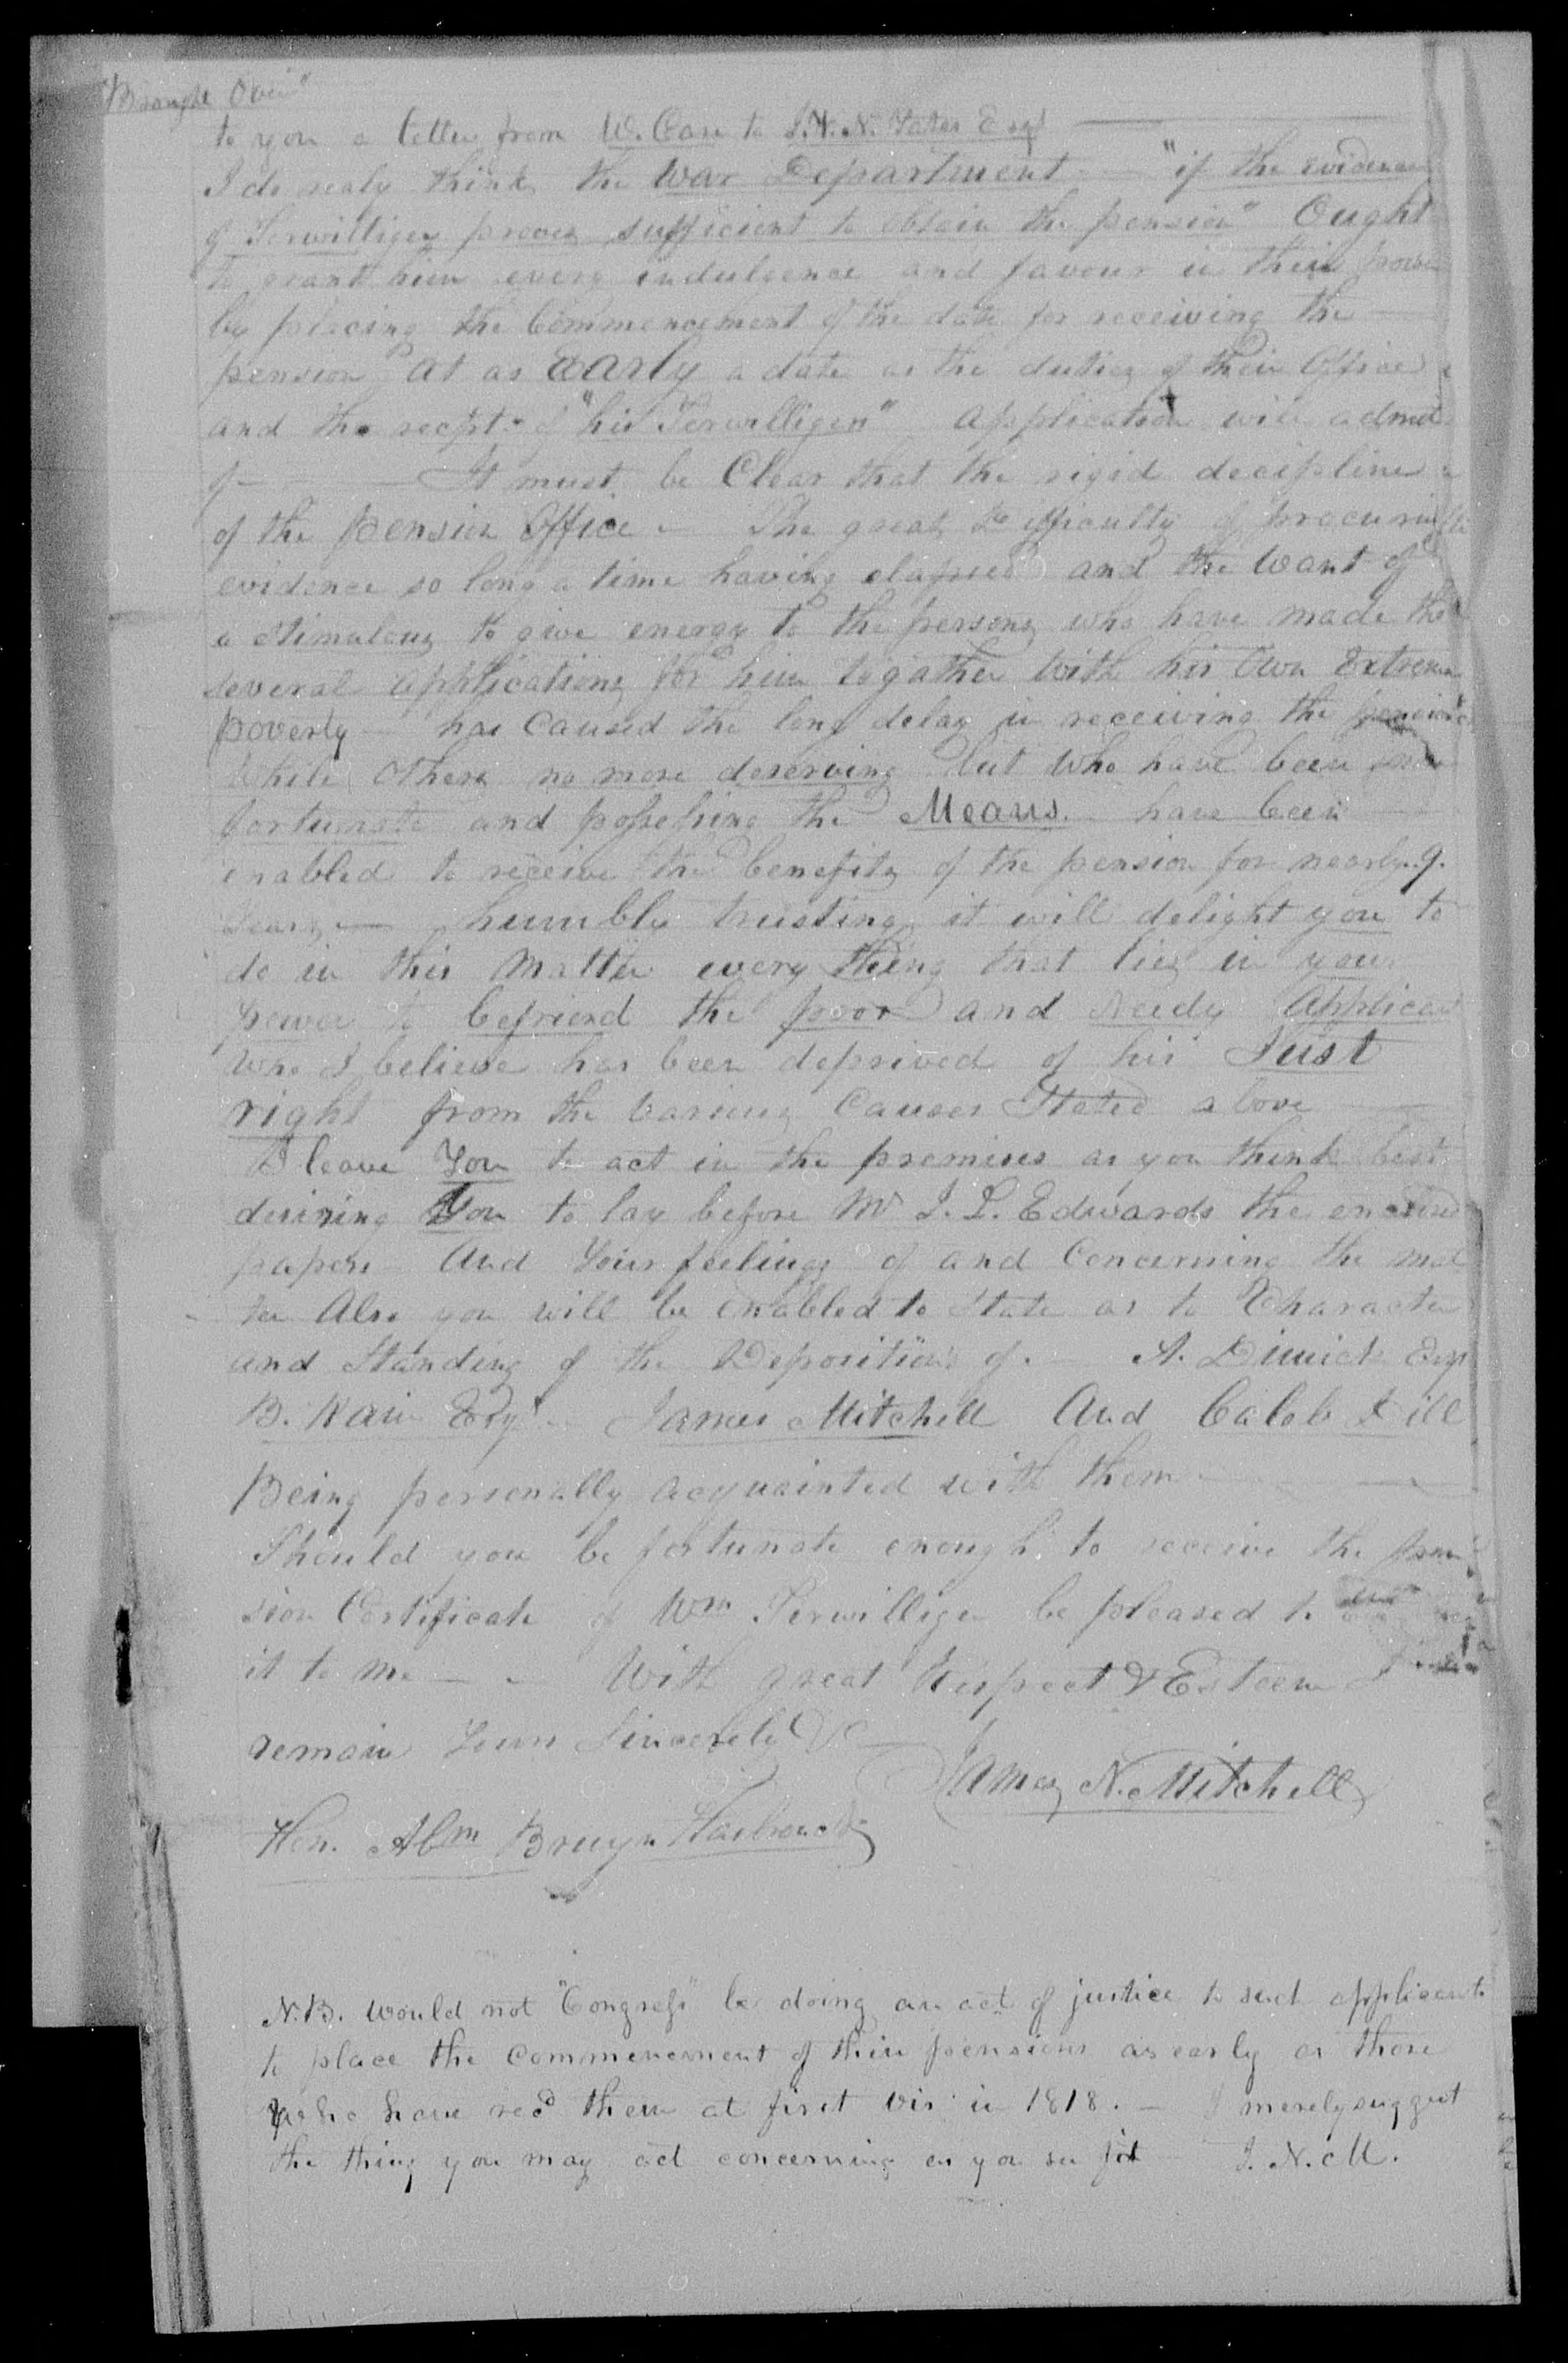[illegible]
to you a letter from W. Case to J.N. Gates Esqr
I do realy think the war Department "if the evidence
Terwilliger prove sufficient to obtain the pension ought
to grant him every indulgence and favour in their power
by placing the commencement of the date for receiving the
pension at as early a date as the duties of their Office
and the recpt of "his Terwilliger" application will admit
of
It must be clear that the rigid decipline [discipline]
of the pension office. The great difficulty of procuring
evidence so long a time having elapsed and the want of
stimulus to give energy to the persons who have made the
several application for him together with his own extreme
poverty has caused the long delay in receiving the pension
while others no more deserving but who have been for
fortunate and possessing the means have been
enabled to receive the benefits of the pension for nearly nine
Years humbly trusting it will delight you to do

in this matter every thing that lies in your power

to befriend the poor and needy applicant
who I believe has been deprived of his just
right from the barriers causes stated above
leave you to act in the premises as you think best
desiring you to lay before Mr J. L. Edwards the enclosed
papers and your feelings of and concerning the me
Also on will be enabled to State as to character
and standing of the Deposition of A. Dimick Esq
B. Rainy James Mitchell and Caleb Hill
-
Being personally acquainted with them
-
Should you be fortunate enough to receive the
pension certificate of Wm Terwilliger be pleased to
[illegible] it to me-- with great Respect & Esteem
remain Your Sincerely &
Hon. Alm Bruyn Harlow
James N. Mitchell
N. B. would not "Congress" be doing an act of justice to such applicant
place the commencement of their pension as early as those
he had recd them at first is in 1818.- I merely suggest
the thing you may act concerning on you see fit J. N. M.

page: 22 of 64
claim: survivor's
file: S. 42,464, for William Terwilliger, New York